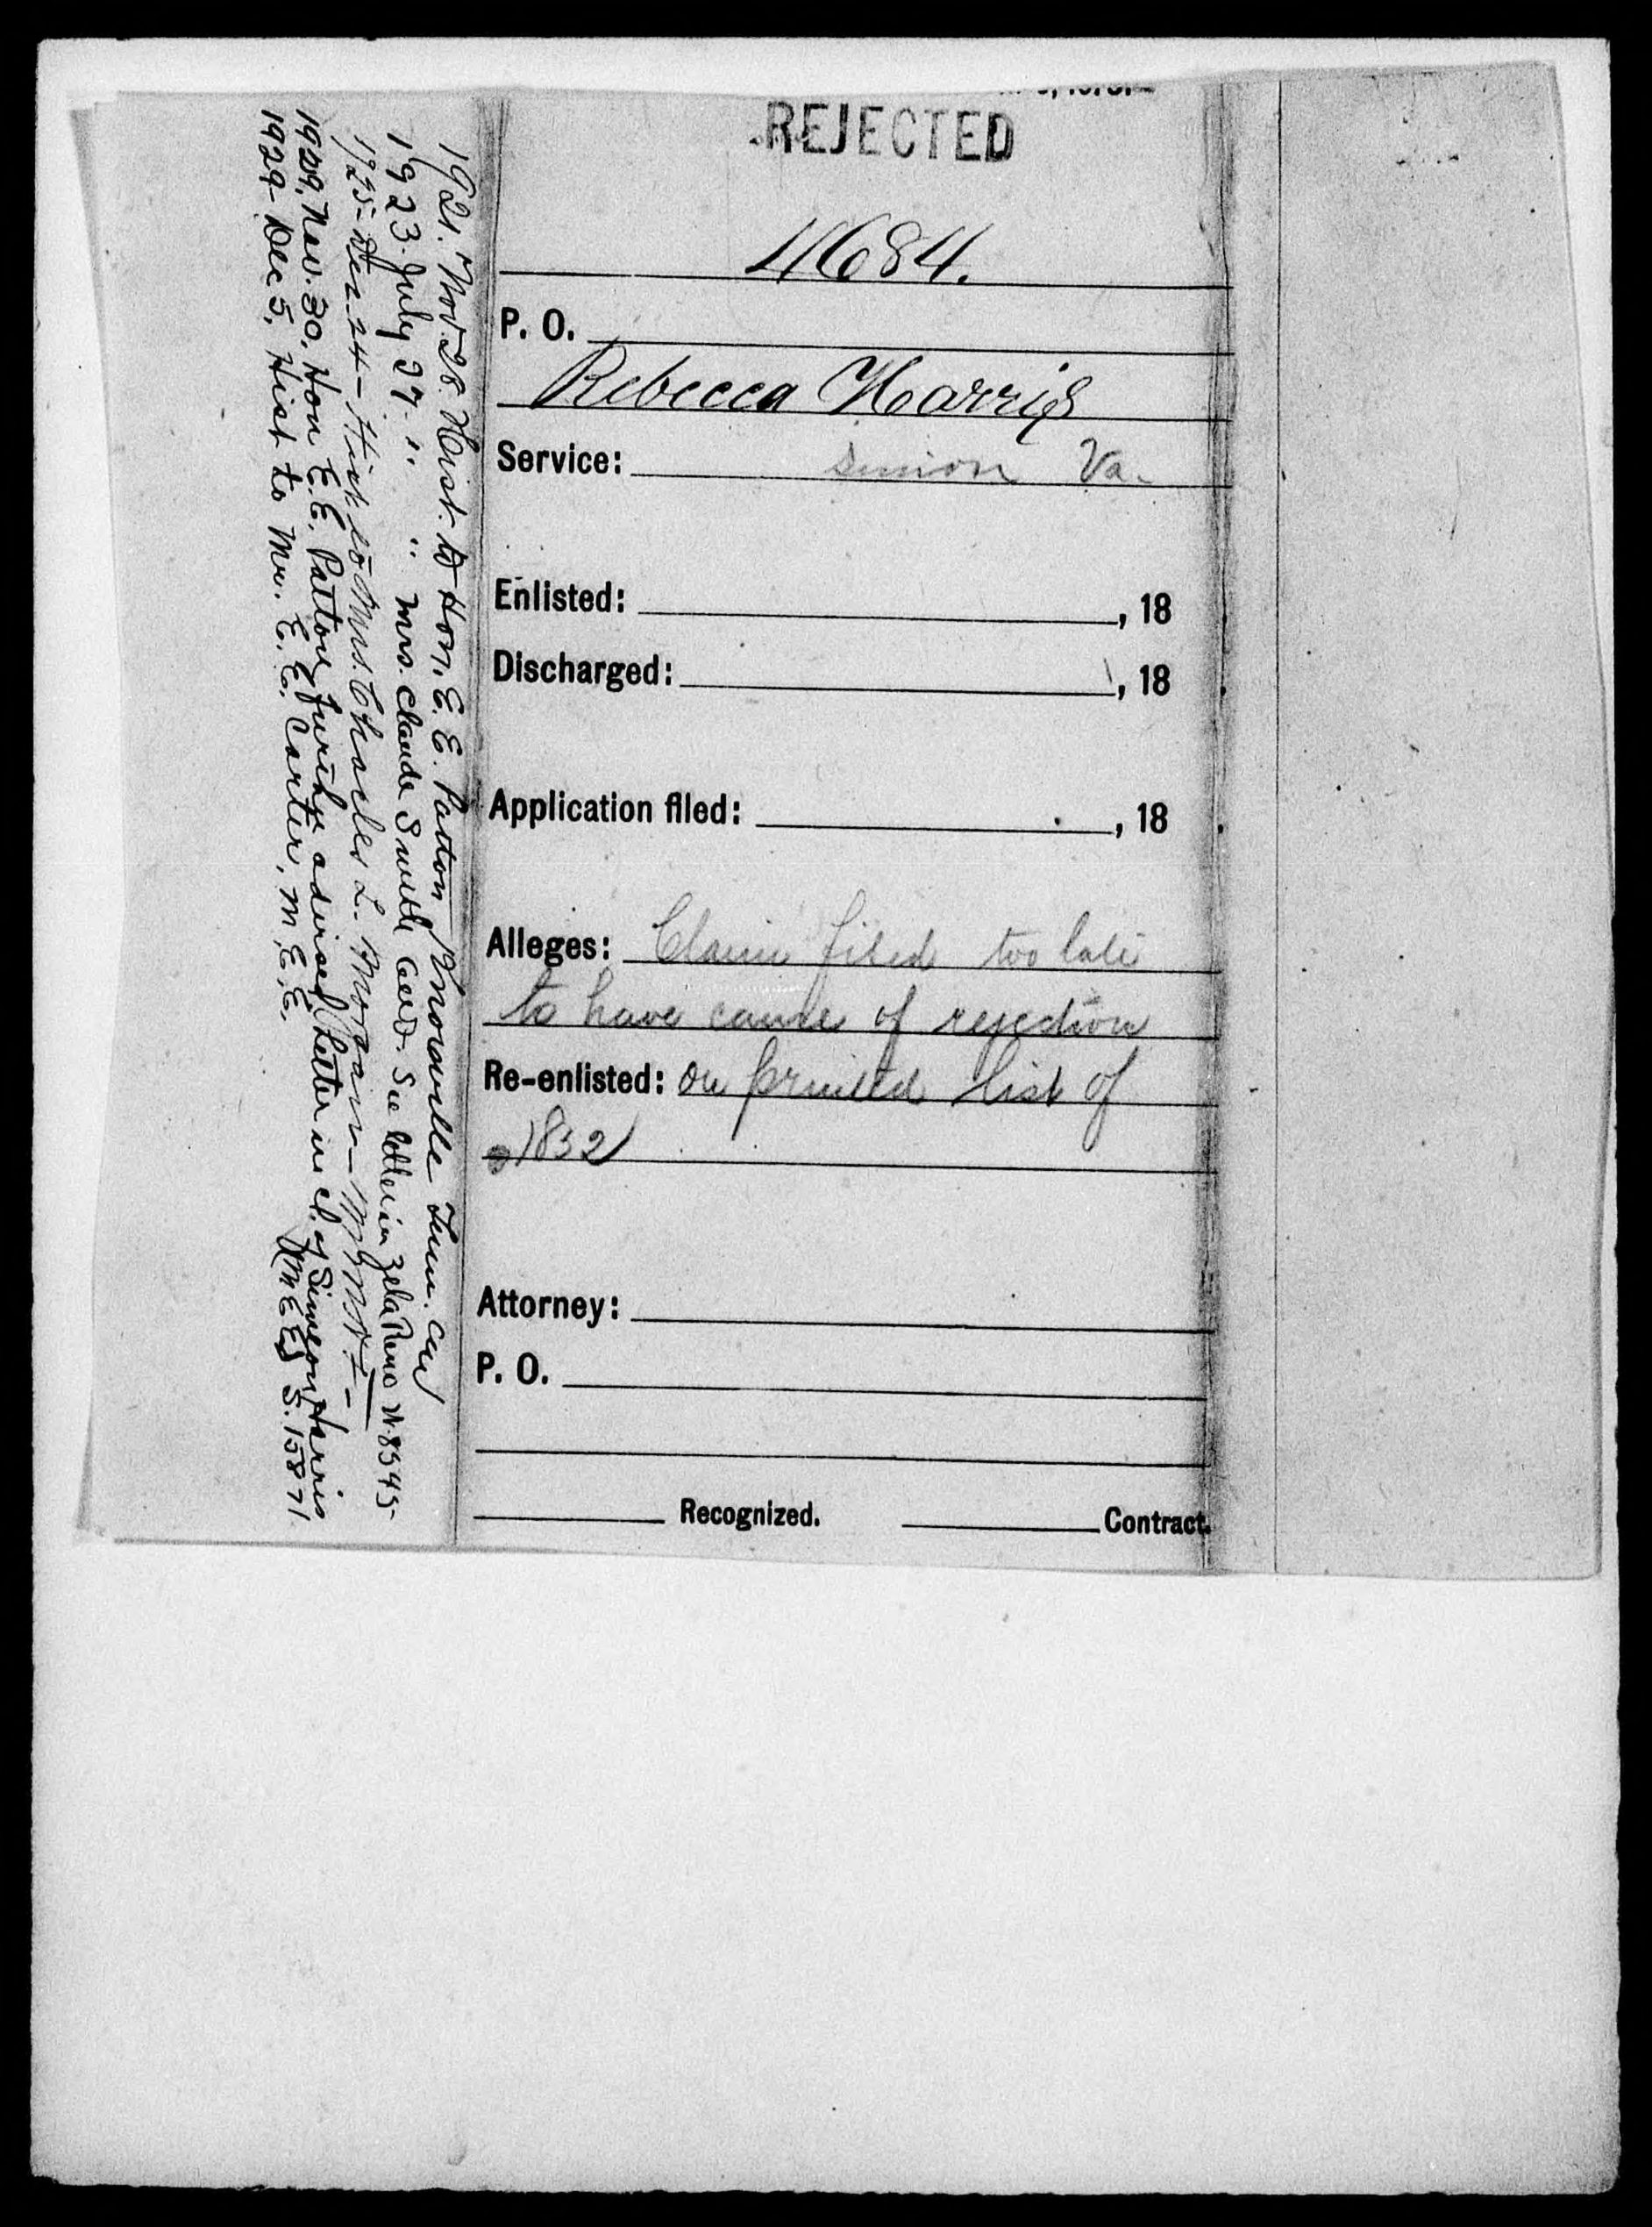REJECTED
4684.
P.O.
Rebecca Harris
Service: Simion Va.

Enlisted: ____, 18
Discharged: ____, 18

Application filed: ____, 18

Alleges: Claim filed too late to have cause of rejection
Re-enlisted: on printed list of 1832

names: E E Patton, Rebecca Harris, Charles L Morgan, E E Patton, Simon, E E Carter, Simeon Harris, Claude Smith, Zela Reno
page: 21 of 24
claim: rejected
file: R. 4684, Simon Harris, Va.